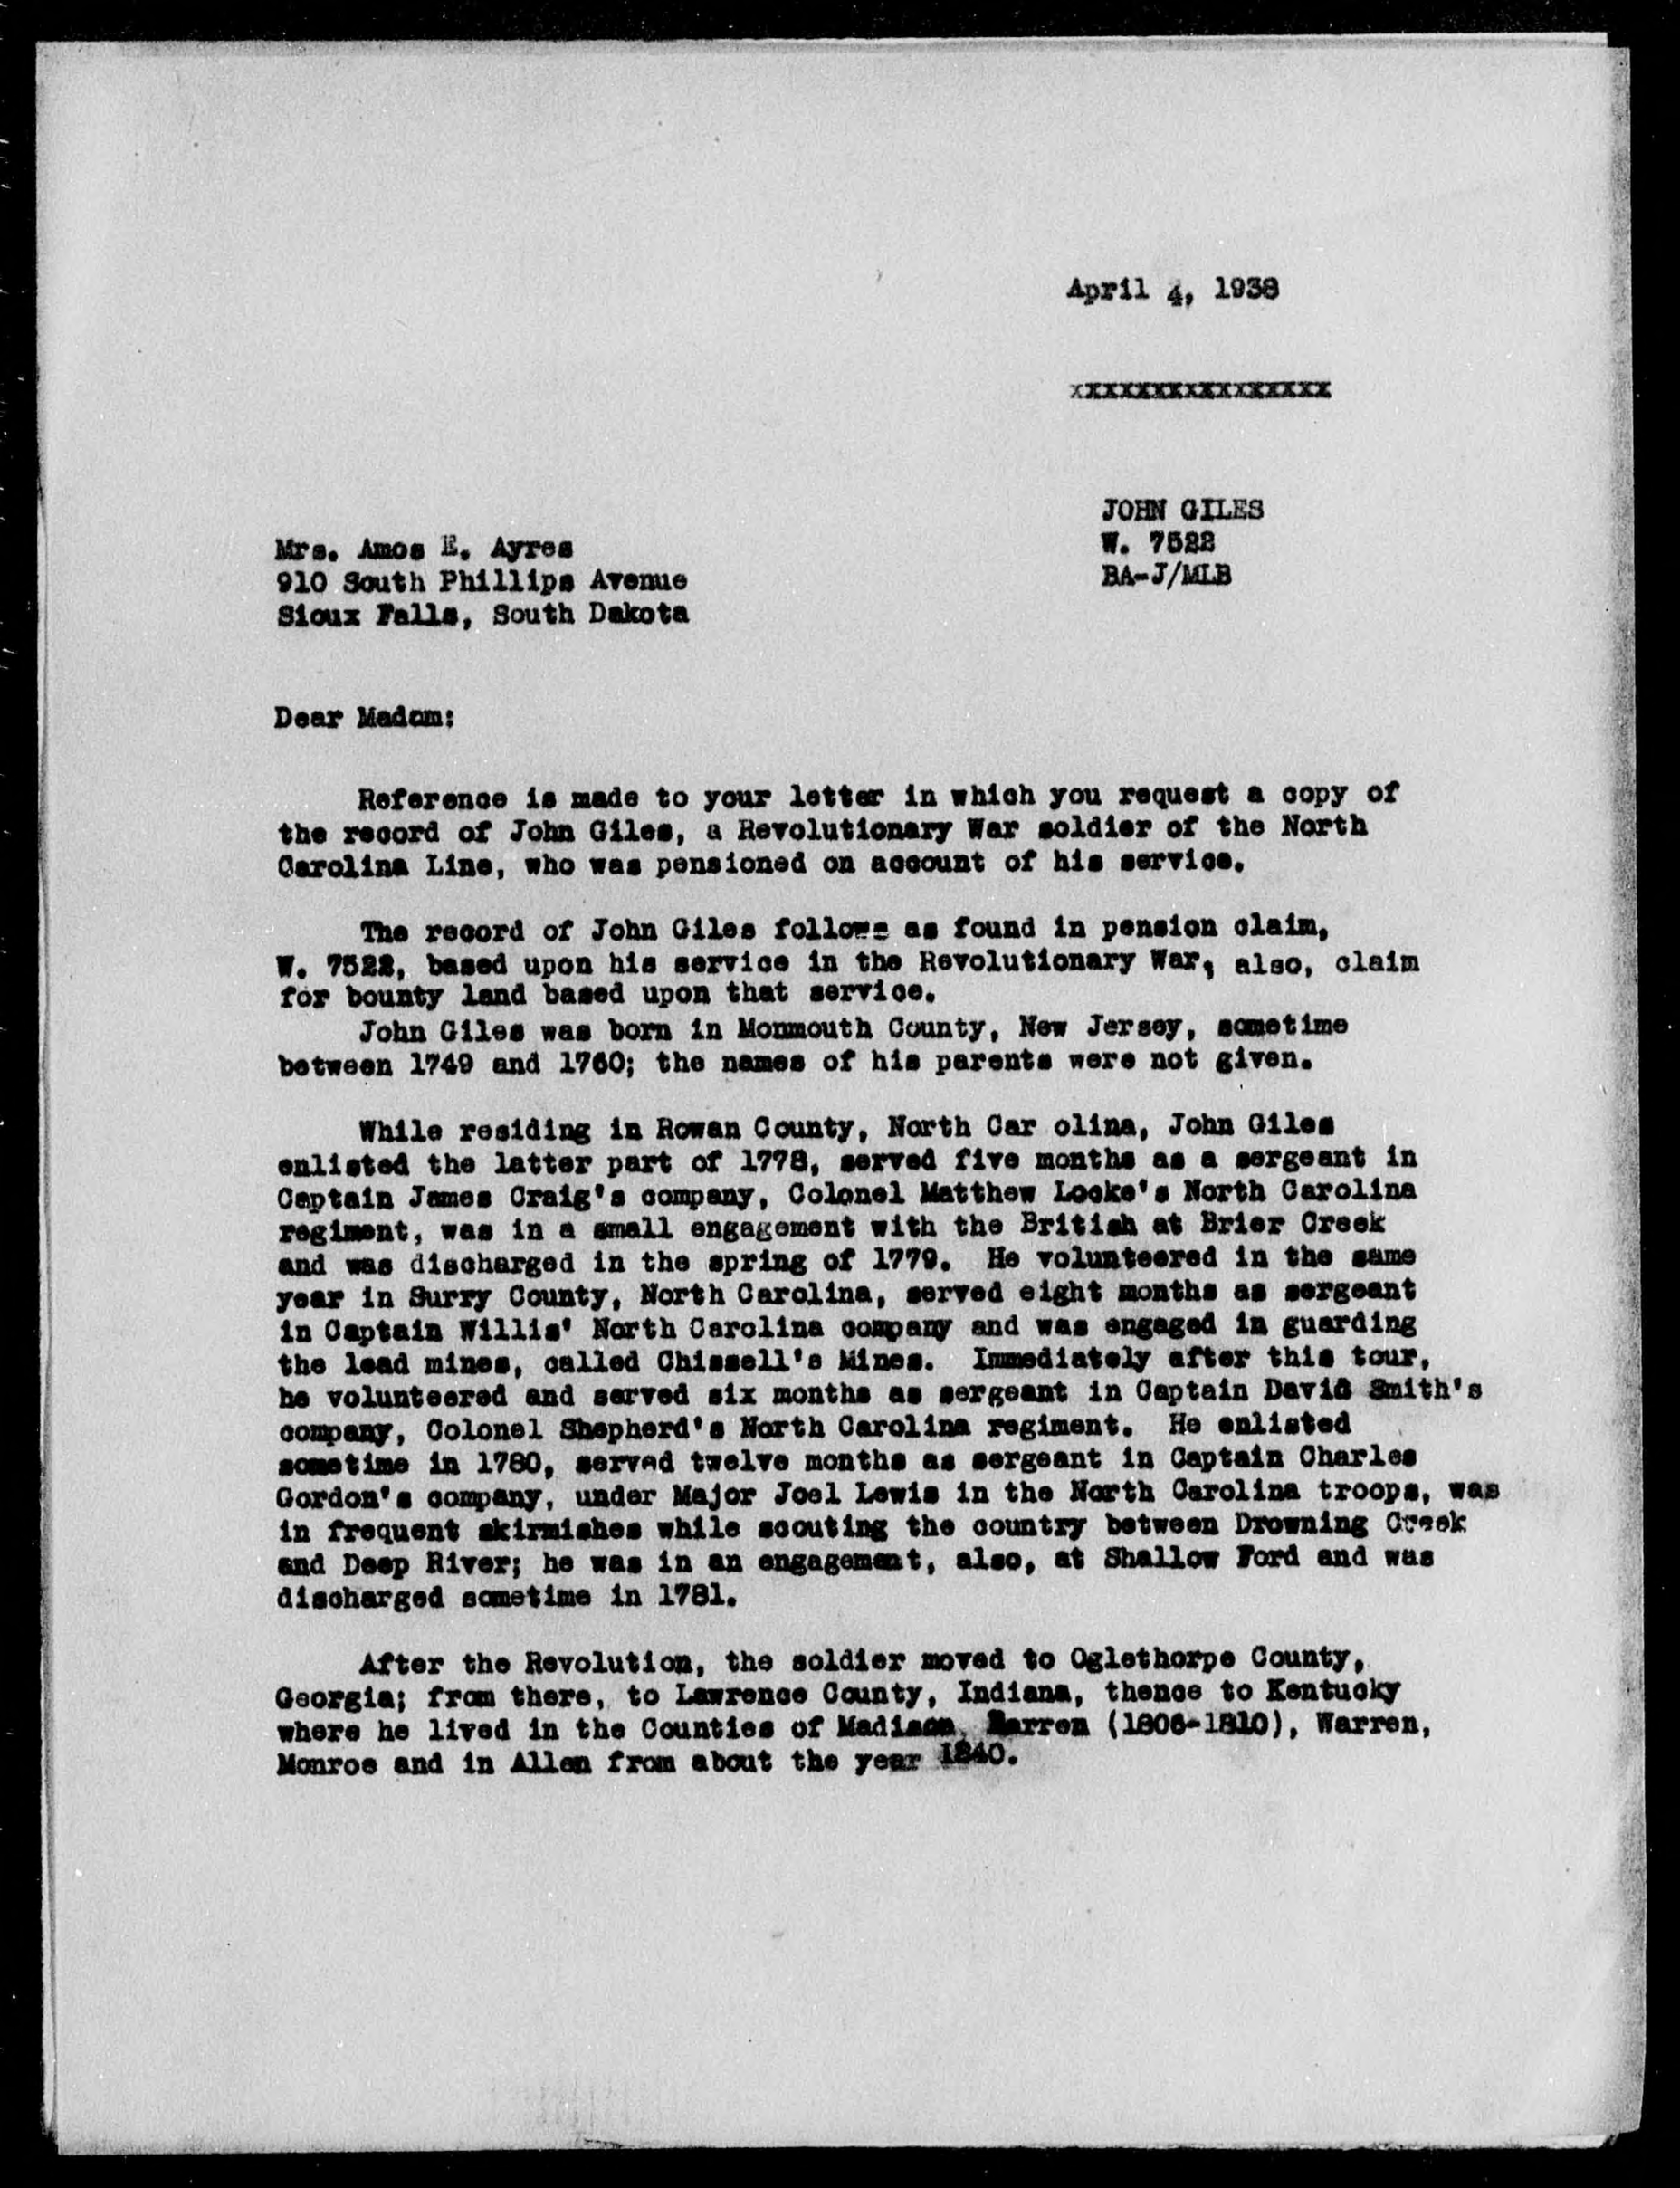April 4, 1938

John Giles
W. 7522
BA J/MLB

Mrs. Amos E. Ayres
910 South Phillipe Avenue
Sioux Falls, South Dakota

Dear Madam:

Reference is made to you letter in which you request a copy of the record of John Giles, a Revolutionary War soldier of the North Carolina Line, who was pensioned on account of his service.

The record of John Giles follows as found pension claim, W. 7522, based upon his service in the Revolutionary War, also, claim for bounty land based upon that service.

John Giles was born in Monmouth County, New Jersey, sometime between 1749 and 1760; the names of his parents were not given.

While residing in Rowan County, North Carolina, John Giles enlisted the latter part of 1778, served five months as a sergeant in Captain James Craig's company, Colonel Matthew Locke's North Carolina regiment, was in a small engagement with the British at Brier Creek and was discharged in the spring of 1779. He volunteered in the same year in Surry County, North Carolina, served eight months as sergeant in Captain Willis' North Carolina company and was engaged in guarding the land mines, called Chissell's Mines. Immediately after this tour, he volunteered and served six months as sergeant in Captain David Smith's Company, Colonel Shepherd's North Carolina regiment. He enlisted sometime in 178, served twelve months as sergeant in Captain Charles Gordon's company, under Major Joel Lewis in the North Carolina troops, was in frequent skirmishes while scouting the country between Drowning Creek and Deep River; he was in an engagement, also, at Shallow Ford and was discharged sometime in 1781.

After the Revolution, the soldier moved to Oglethorpe County, Georgia; from there, to Lawrence County, Indiana, thence to Kentucky where he lived in the Counties of Madiana, Barren (1806-1810), Warren, Monroe and in Allen from about the year 1840.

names: John Giles, Joel Lewis, Amos E Ayres, John Giles, John Giles, John Giles, John Giles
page: 38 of 82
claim: widow's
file: W. 7,522, John Giles, N.C.